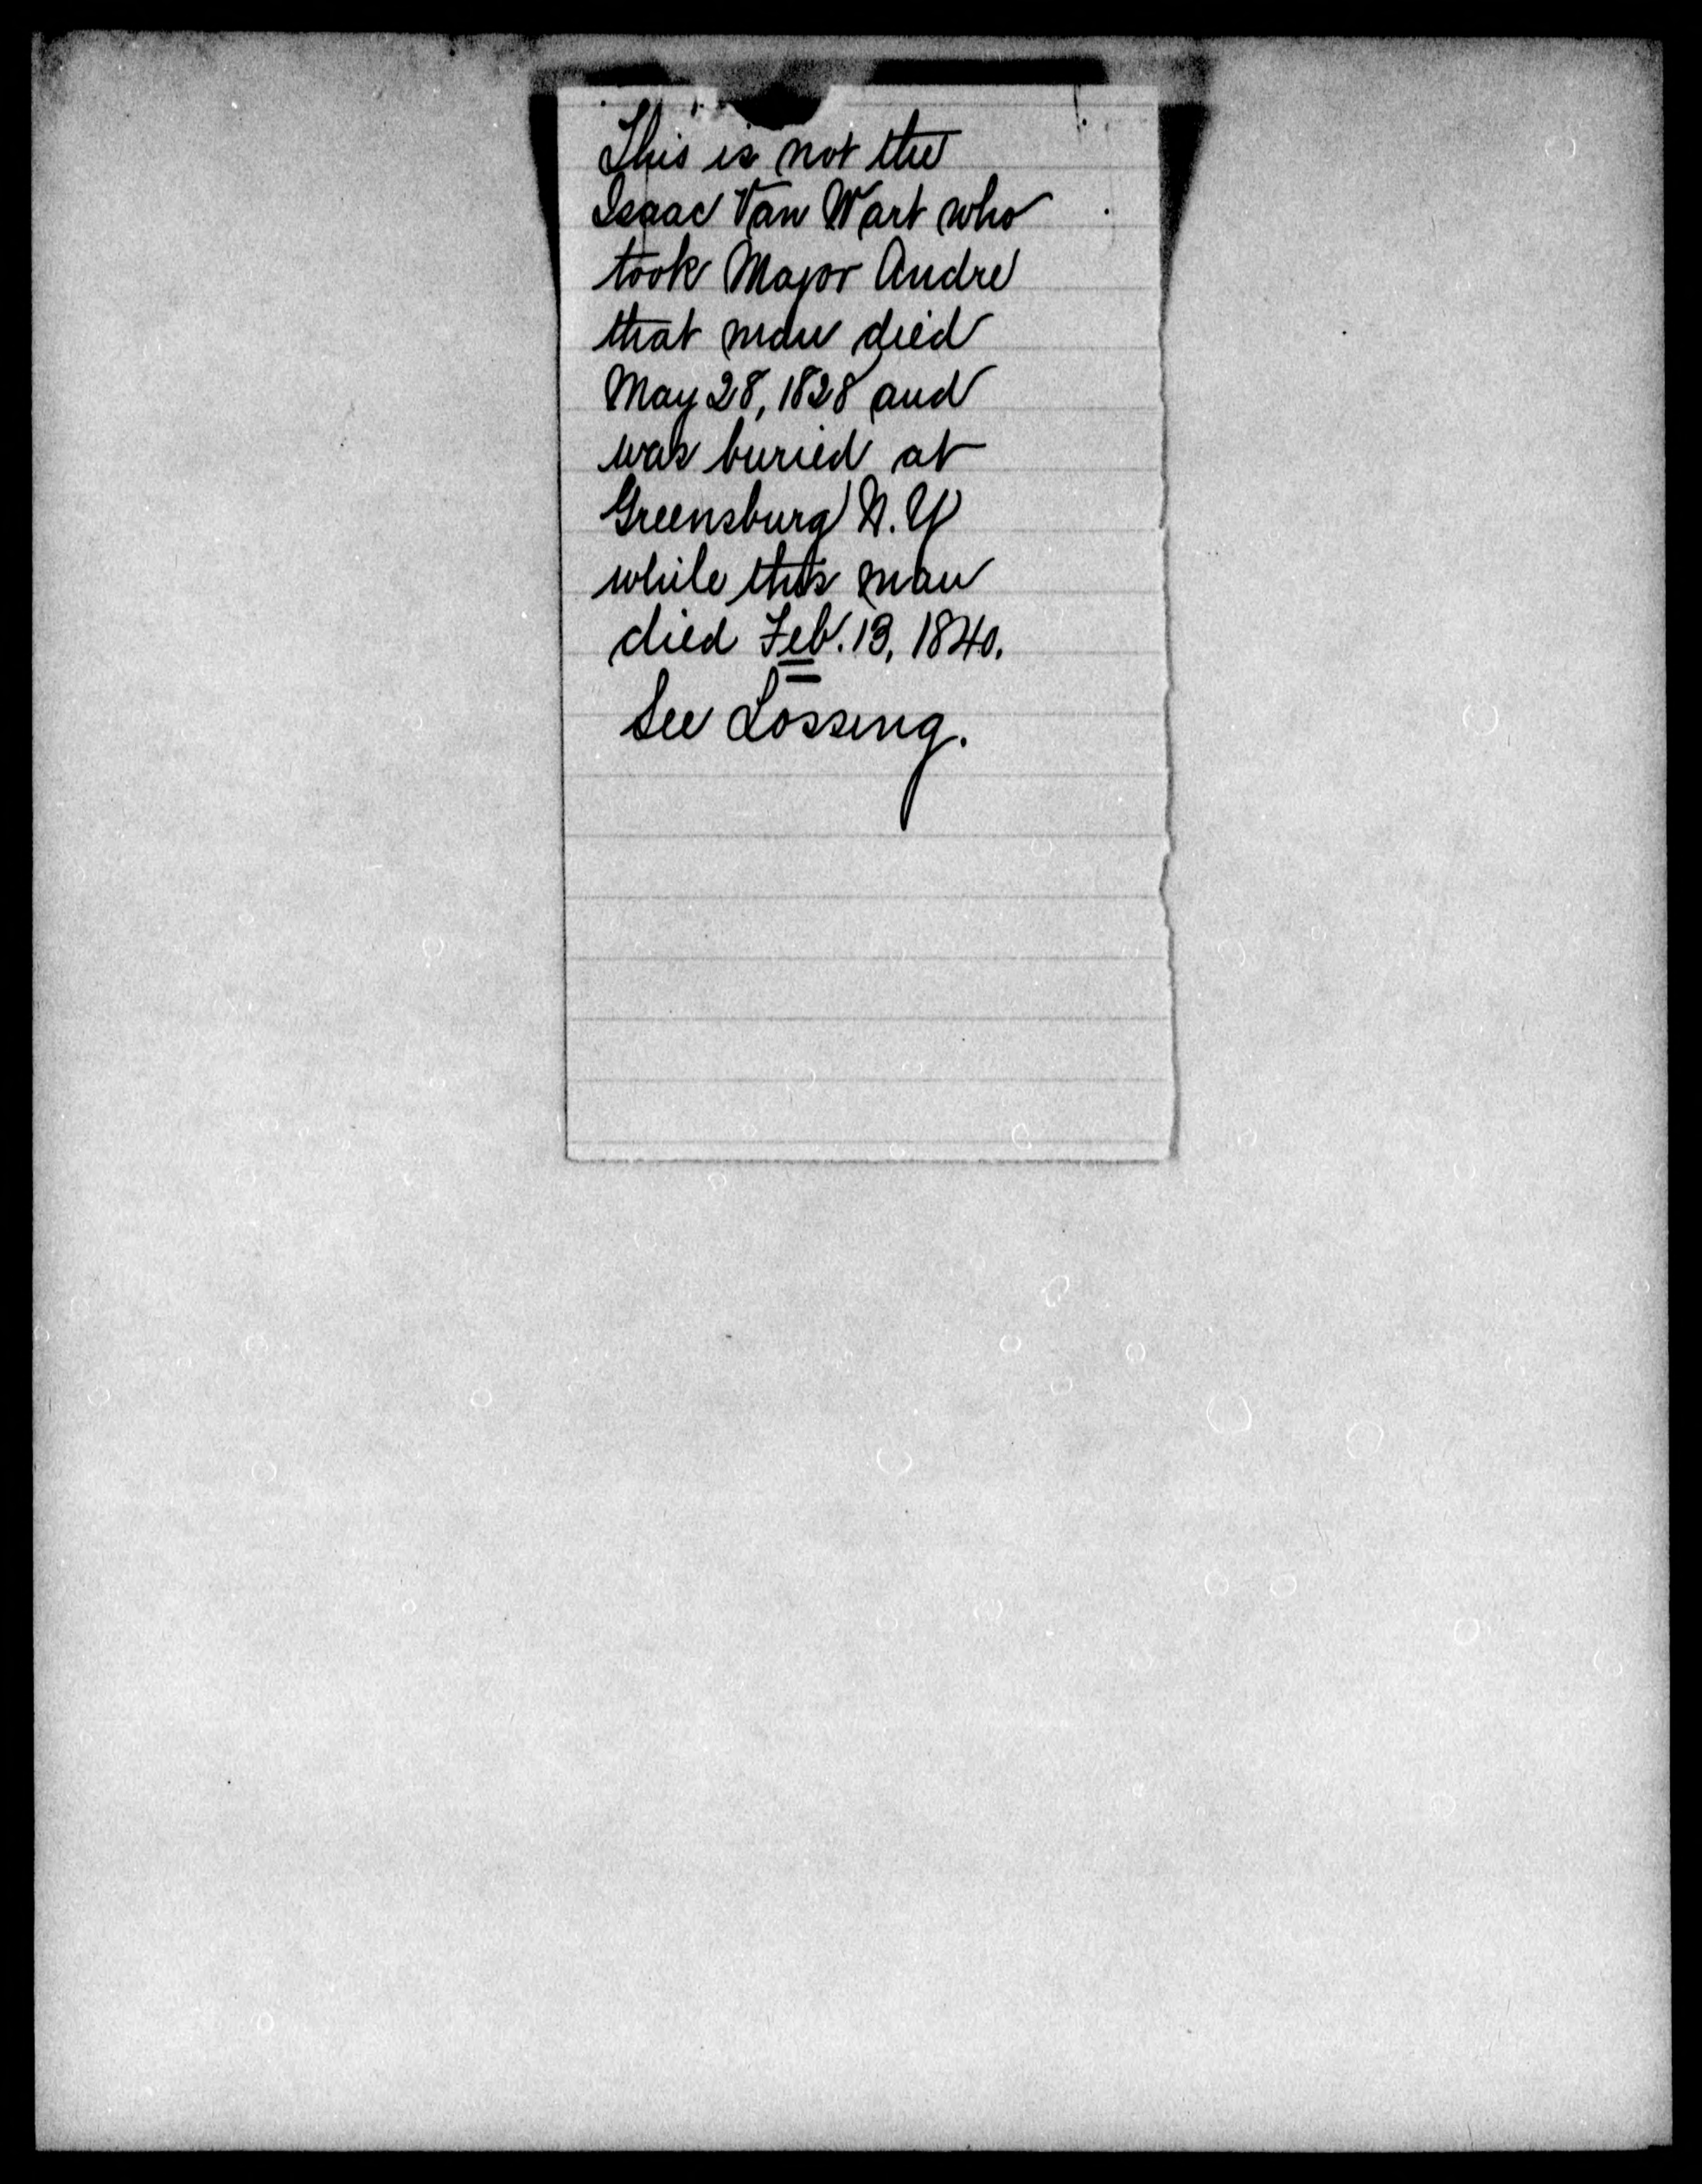This is not the Isaac Van Wart who of took Major Andre that man died May 28, 1828 and was buried at Greensburg N.Y while this man died Feb. 13, 1840.
See Lossing.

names: Isaac Van Wart, Andre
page: 19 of 102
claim: widow's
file: W. 18239, Isaac Van Wart, New York